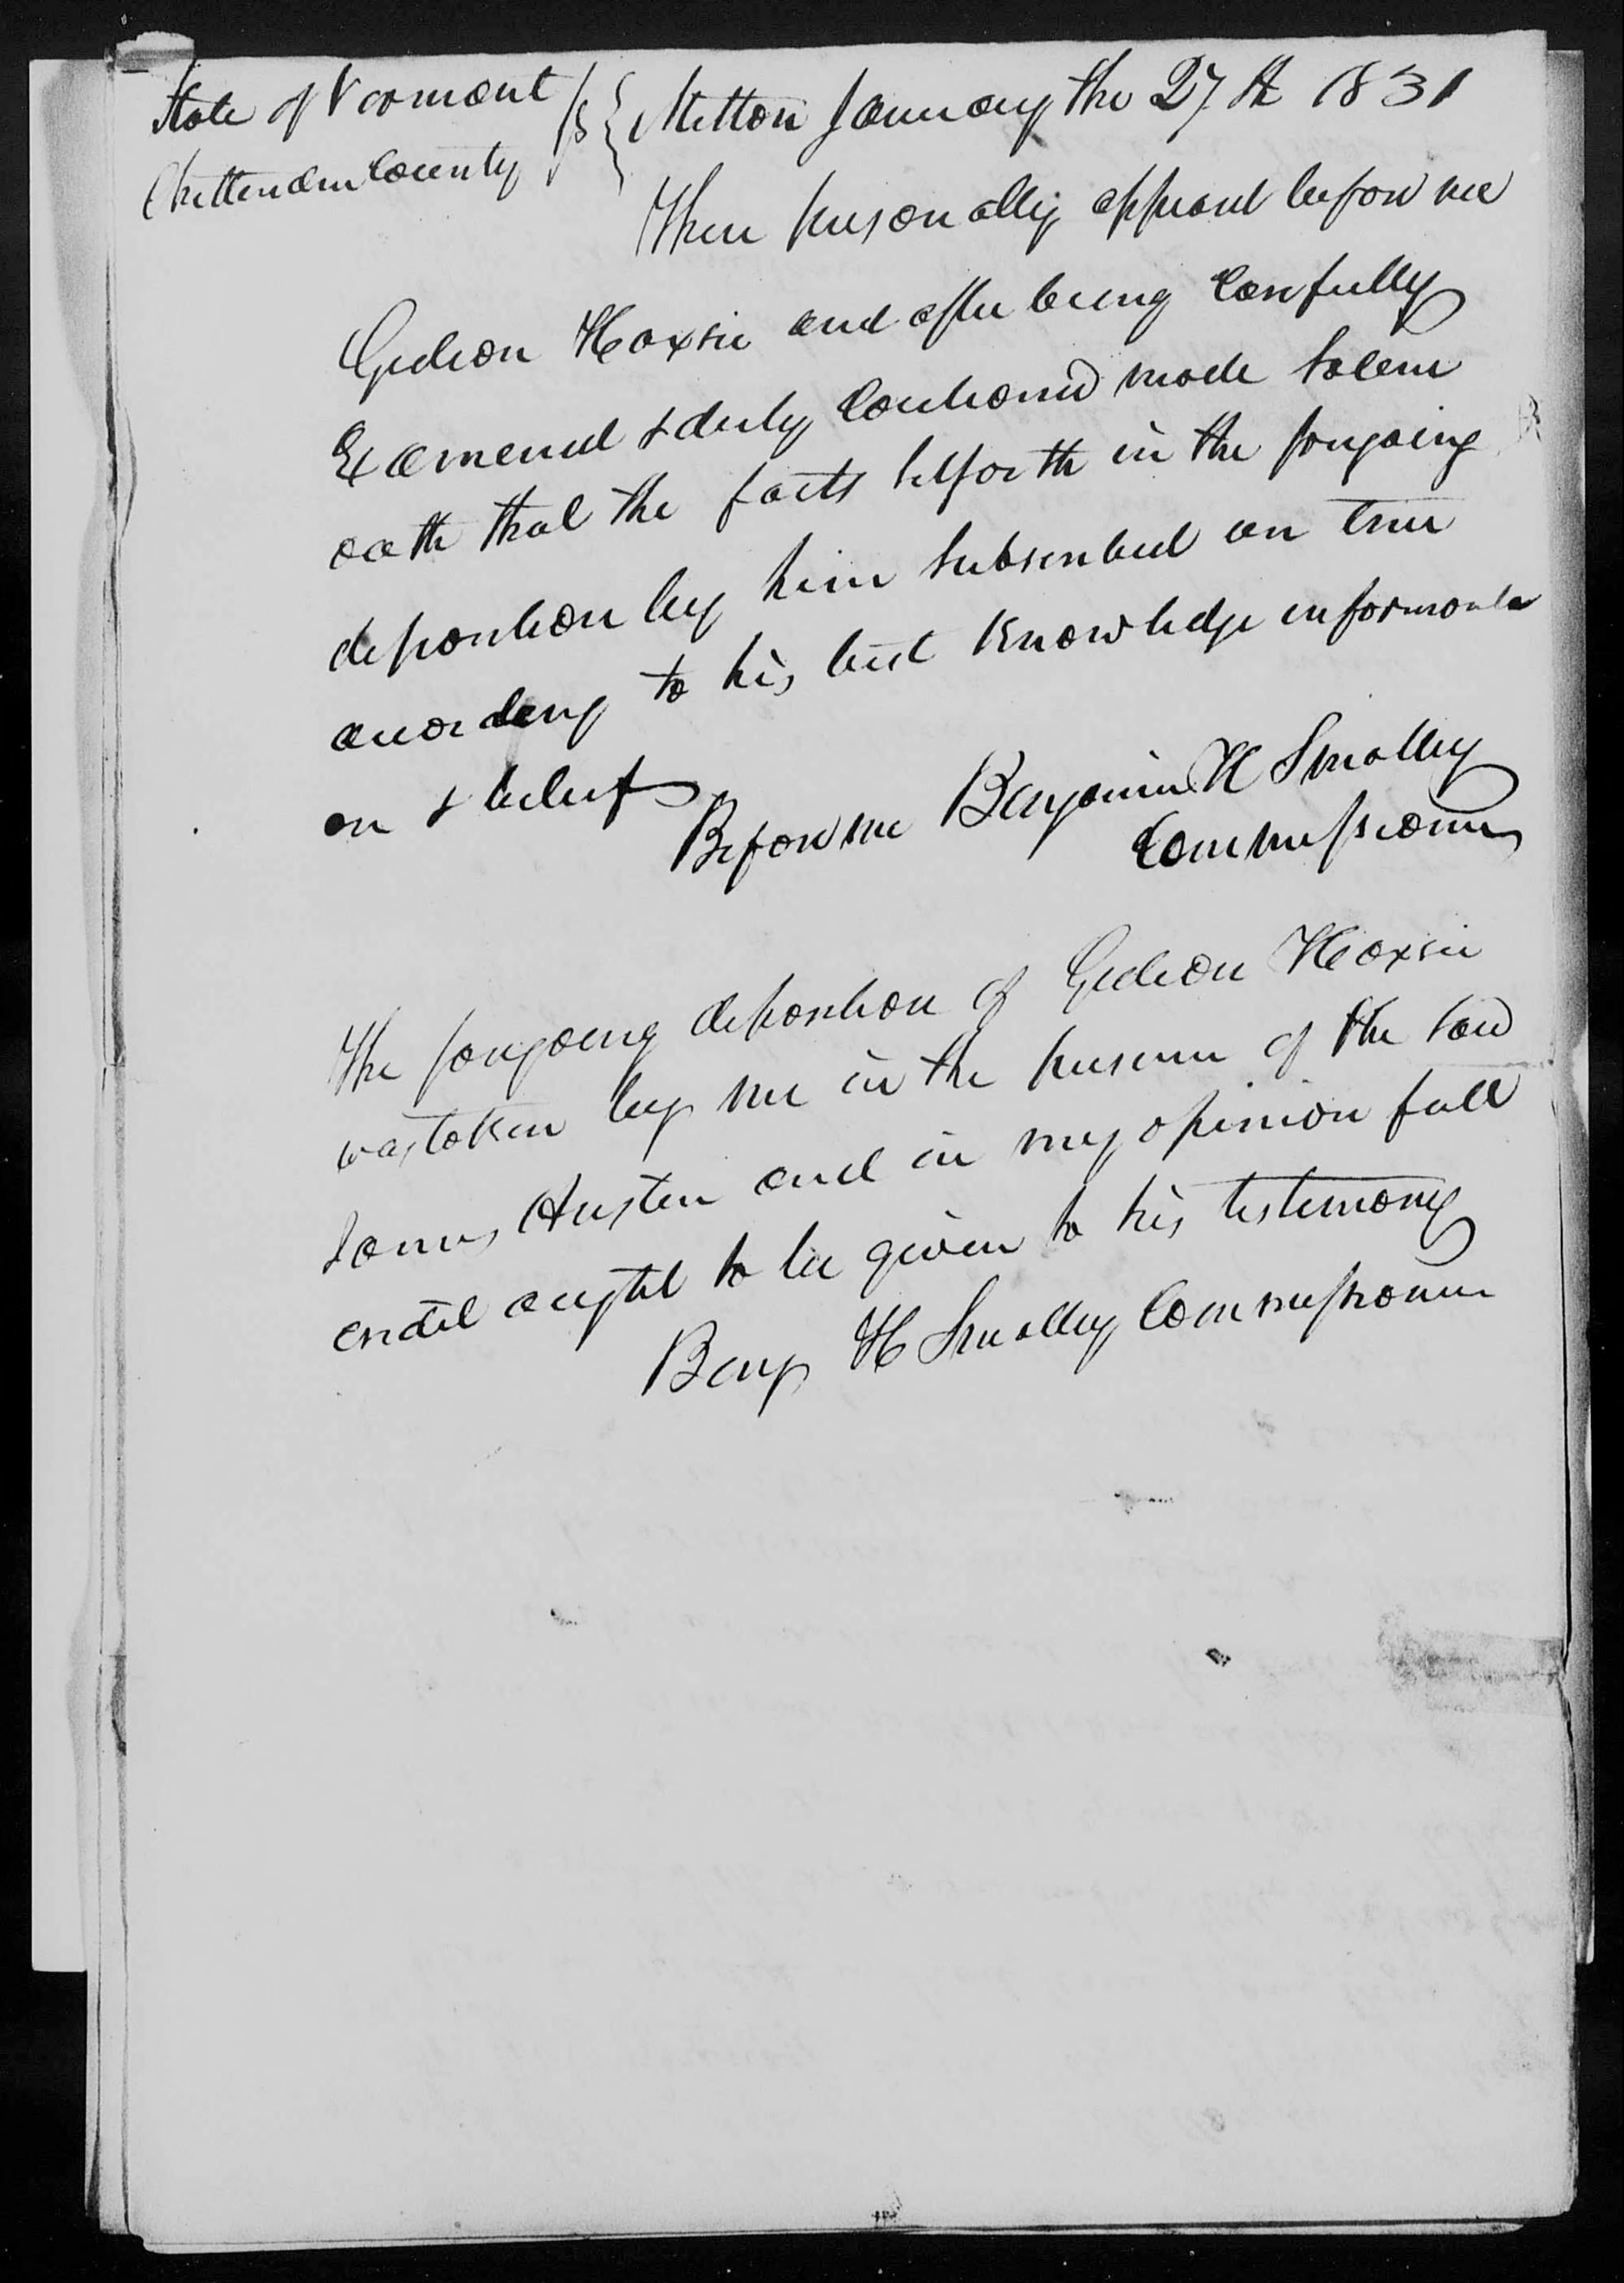State of Vermont    }Stetton January the 
Chittenden County }27 A.D. 1831
Then personally appeared before me Gideon Moxsie and after being carefully examined and duly cautioned made solemn oath that the facts beforth in the foregoing deposition by him submitted are true according to his best knowledge informants and beliefs
Before me Benjamin H Smalley Commissioner

The foregoing deposition of Gideon Hoxsie was taken by me in the [illegible] of the law James Austin and in my opinion full credit ought to be given to his testimony
Benj H Smalley Commissioner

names: Gideon Hoxsie, Benj H Smalley, Austin, Gideon Hoxsie, Benjamin H Smalley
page: 11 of 100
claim: survivor's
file: S 19186, James Austin, Conn. New York R.I.